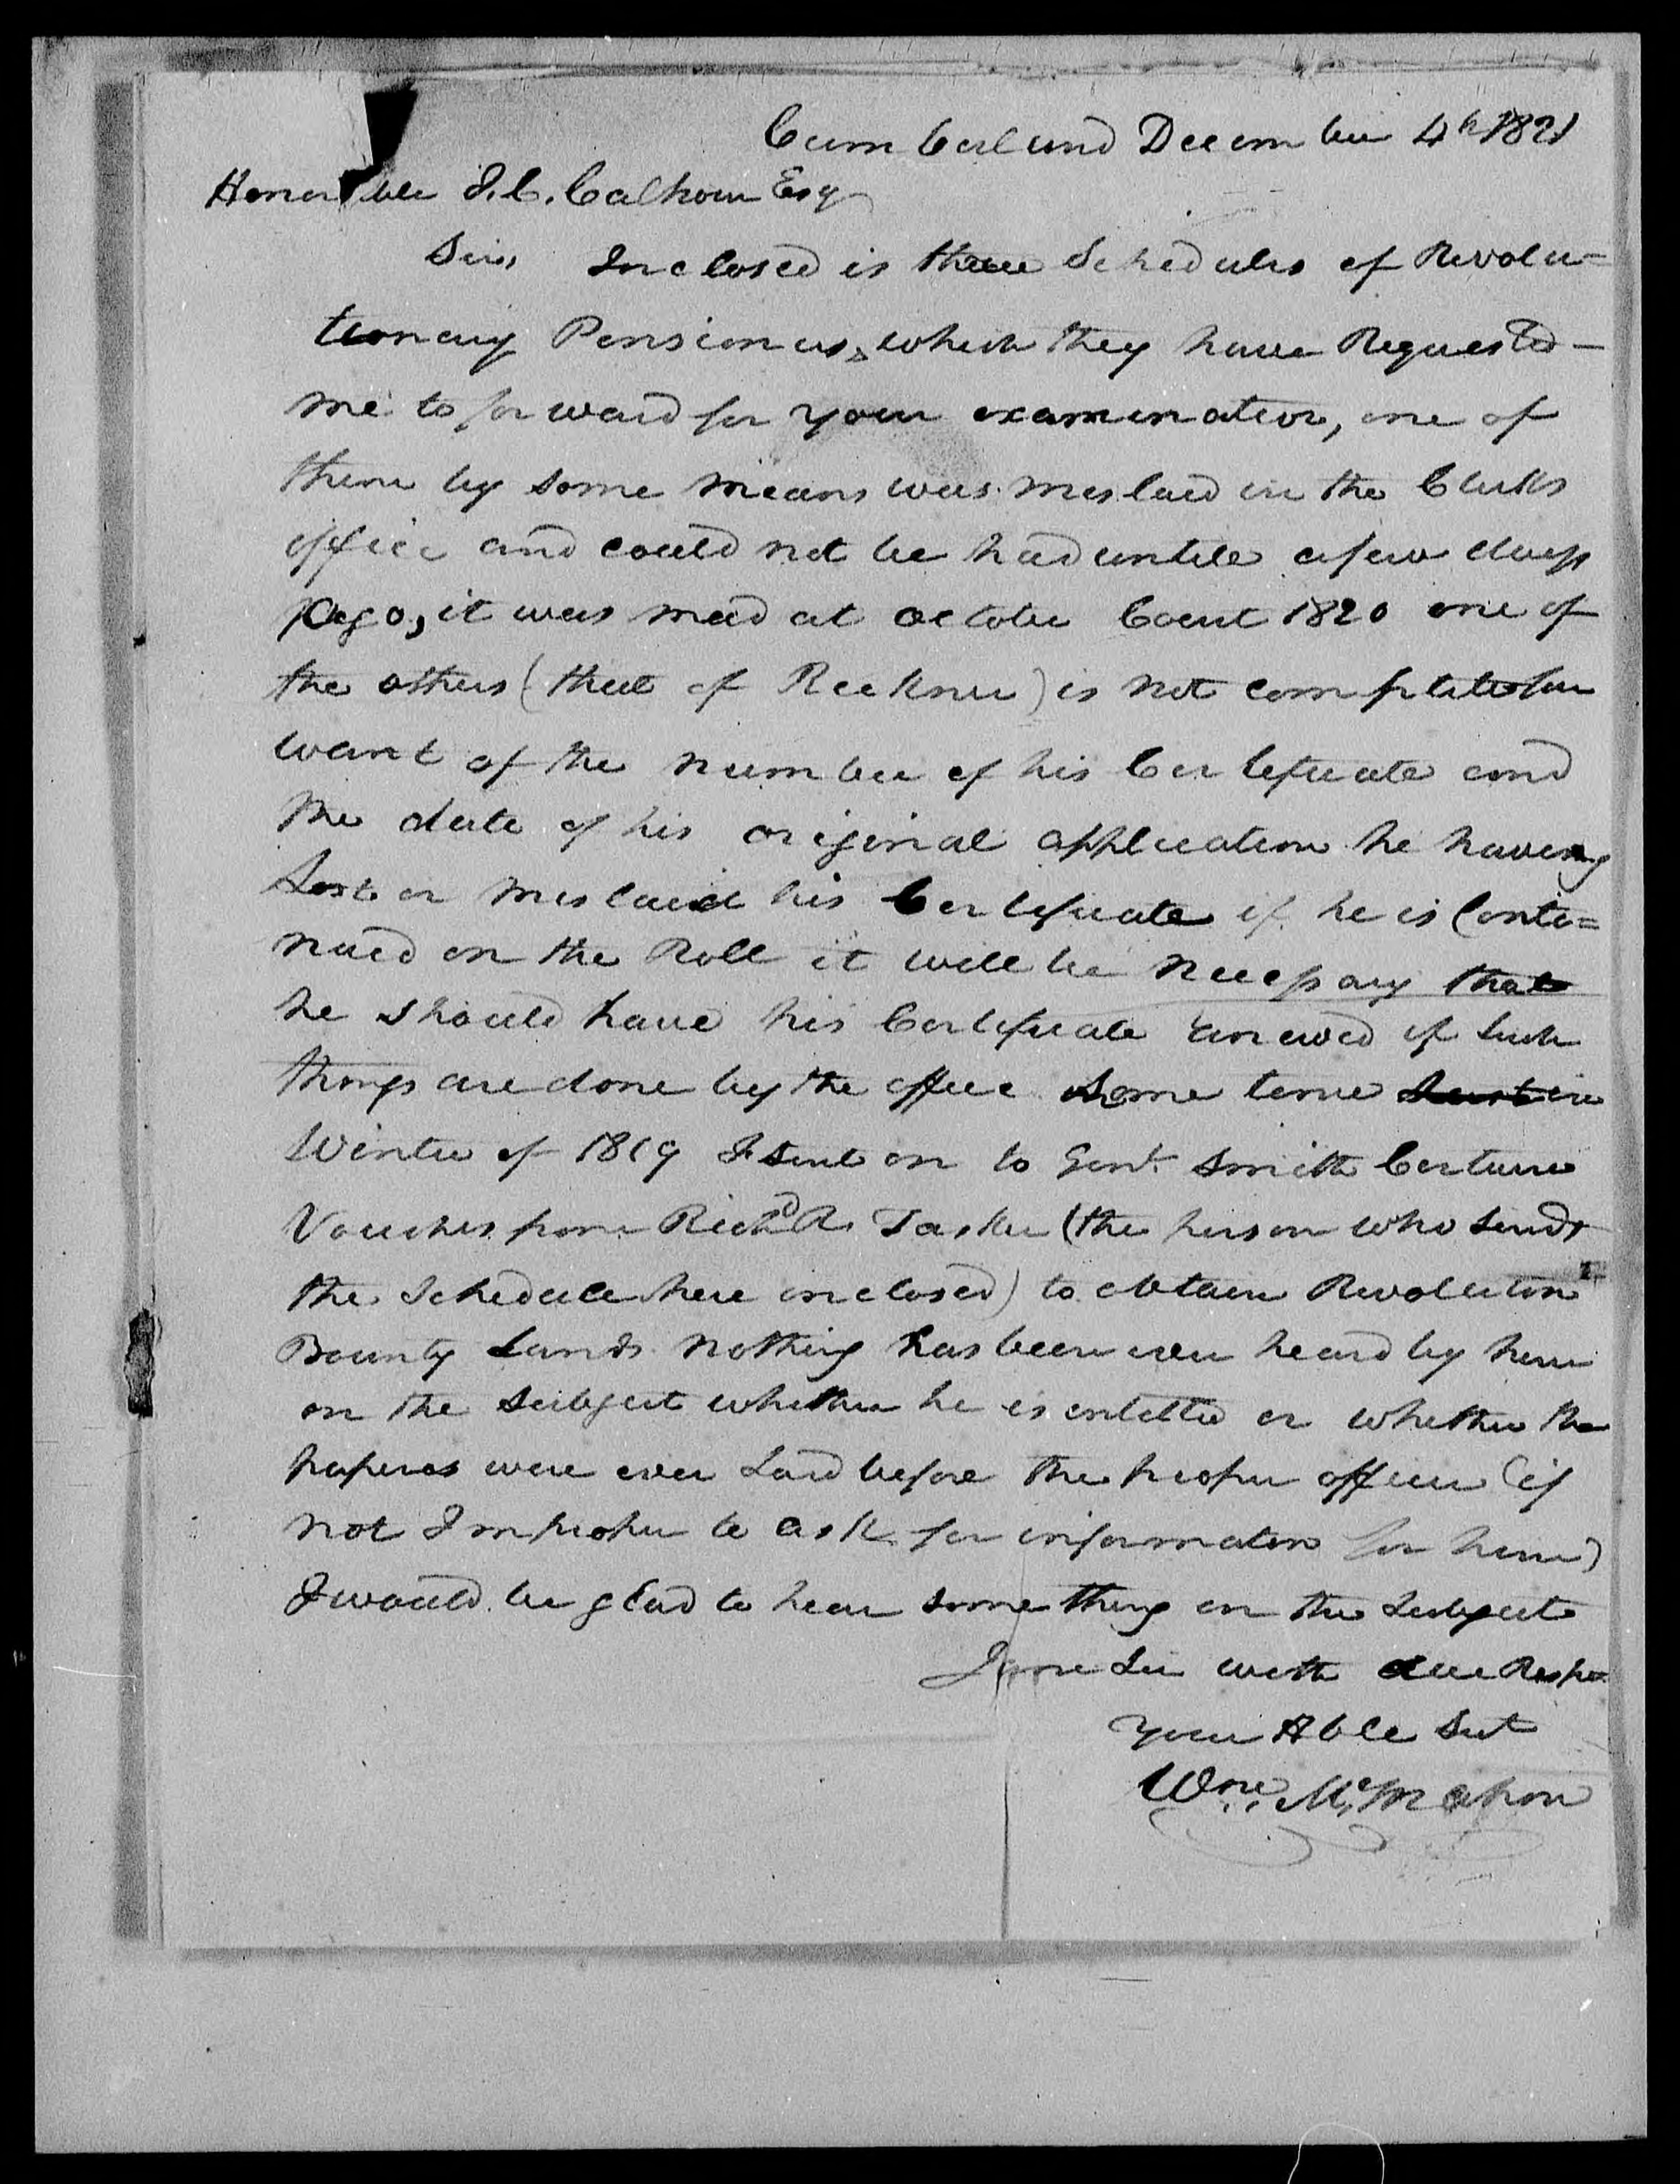Cumberland December 12th 1821

Honorable J. I. Calhoun Esq
Sirs, Inclosed is three schedules of Revolutionary Pensioners, which they have requested me to forward for your examination, one of them by some means was mislaid in the Clerks office and could not be had until a few days ago, it was mad at october [illegible] 1820 one of the others (that of Reckner[?]) is not complete for want of the number of his certificate and the date of his original applications He having lost or mislaid his certificate if he is continued on the roll it will be necessary that he should have his certificate renewed if such things are done by the office some time [illegible] Winter of 1819 I sent on to Genl Smith  [unknown] voucher from Richard R. Tasker (the person who sent the schedule here inclosed) to obtain Revolution Bounty lands. Nothing has been ever heard by him on the subject whether he is [unknown] or whether the papers were ever laid before the proper officer (if not improper to ask for information for him)  I would be glad to hear something on the subject.
I remain with due respect
your able svt
Wm M Mahon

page: 22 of 25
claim: survivor's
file: S. 35093, for Richard R Tasker, Maryland